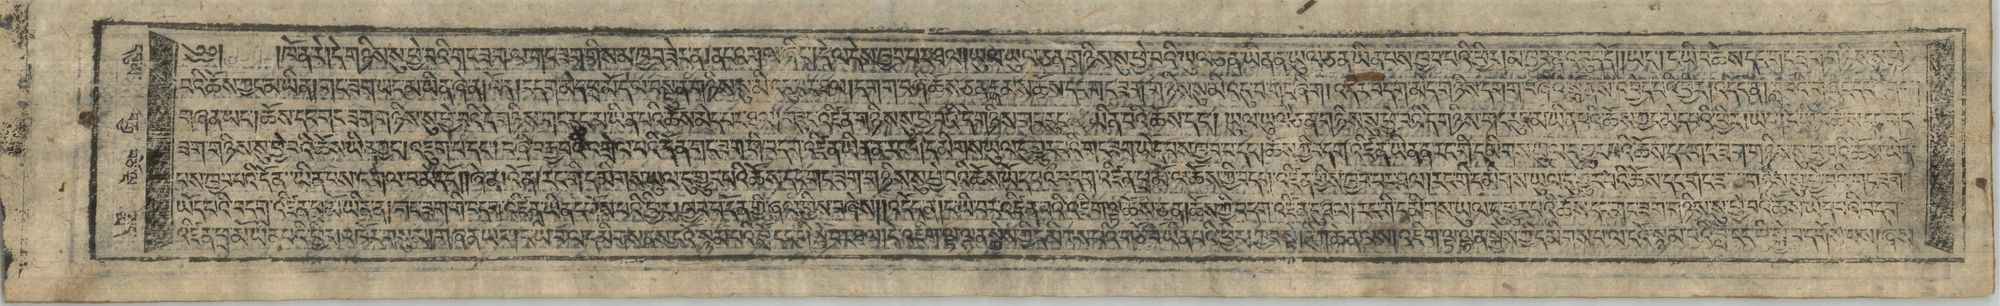༄༅། །ཁོ་ན་རེ། དེ་གཉིས་སུ་ཕྱེ་བའི་གང་ཟག་ལ་གང་ཟག་གིས་མ་ཁྱབ་ཟེར་ན། ནང་འགལ་ཞིང་། དེ་ལ་དེས་ཁྱབ་པར་ཐལ། ཡུལ་ཡུལ་ཅན་གཉིས་སུ་ཕྱེ་བའི་ཡུལ་ཅན་ཡིན་ན་ཡུལ་ཅན་ཡིན་པས་ཁྱབ་པའི་ཕྱིར། མ་ཁྱབ་ན་འབུད་དོ། །ཡང་། ང་ཡི་བ་ཆོས་དང་གང་ཟག་གཉིས་སུ་ཕྱེ་
བའི་ཆོས་ཀྱང་མ་ཡིན། གང་ཟག་ཡང་མ་ཡིན་ཞེ་ན། འོ་ན། བདག་མེད་ཕྲ་མོ་དེ་ལ་བསྡུ་ན་གཉིས་སུ་མི་འདུ་བར་ཐལ། དགག་བཞི་ཆོས་ཅན་རྣམས་ཆོས་དང་གང་ཟག་གཉིས་སུ་མི་འདུ་བ་གང་ཞིག །འདིར་བདག་མེད་གཉིས་དགག་བཞིའི་སྒོ་ནས་འབྱེད་པའི་ཕྱིར། འདོད་ན། ཟླ་བའི་གཞུང་དང་འགལ།
གཞན་ཡང་། ཆོས་དང་གང་ཟག་གཉིས་སུ་ཕྱེ་བའི་དེ་གཉིས་གང་རུང་མ་ཡིན་པའི་ཆོས་མེད་པར་ཐལ། གཟུང་འཛིན་གཉིས་སུ་ཕྱེ་བའི་དེ་གཉིས་གང་རུང་མ་ཡིན་པའི་ཆོས་དང་། ཡུལ་ཡུལ་ཅན་གཉིས་སུ་ཕྱེ་བའི་དེ་གཉིས་གང་རུང་མ་ཡིན་པའི་ཆོས་ཀྱང་མེད་པའི་ཕྱིར། ཡང་། ང་ཡི་བ་ཆོས་དང་གང་
ཟག་གཉིས་སུ་ཕྱེ་བའི་ཆོས་ཡིན་ཀྱང་། འཇུག་པ་དང་། བཞི་བརྒྱ་བའི་འགྲེལ་བའི་དོན་གང་ཟག་གི་བདག་འཛིན་ཡིན་ན་རང་གི་དམིགས་ཡུལ་དུ་གྱུར་བའི་གང་ཟག་ཡོད་པས་ཁྱབ་པ་དང་། ཆོས་ཀྱི་བདག་འཛིན་ཡིན་ན་རང་གི་དམིགས་ཡུལ་དུ་གྱུར་བའི་ཆོས་དང་གང་ཟག་གཉིས་སུ་ཕྱེ་བའི་ཆོས་ཡོད་
པས་ཁྱབ་པའི་དོན་ཡིན་པས་འགལ་བ་མེད་དོ། །ཞེ་ན། འོ་ན། རང་གི་དམིགས་ཡུལ་དུ་གྱུར་པའི་ཆོས་དང་གང་ཟག་གཉིས་སུ་ཕྱེ་བའི་ཆོས་ཡོད་པའི་བདག་འཛིན་ཕྲ་མོ་ལ་ཆོས་ཀྱི་བདག་འཛིན་གྱིས་ཁྱབ་པར་ཐལ། རང་གི་དམིགས་ཡུལ་དུ་གྱུར་པའི་ཆོས་དང་གང་ཟག་གཉིས་སུ་ཕྱེ་བའི་གང་ཟག་
ཡོད་པའི་བདག་འཛིན་ཕྲ་མོ་ཡིན་ན། གང་ཟག་གི་བདག་འཛིན་ཡིན་དགོས་པའི་ཕྱིར། ཁྱབ་པ་དོན་གྱི་ཞལ་གྱིས་བཞེས། །འདོད་ན། ང་ཡི་བར་འཛིན་པའི་འཇིག་ལྟ་ཆོས་ཅན། ཆོས་ཀྱི་བདག་འཛིན་དུ་ཐལ། རང་གི་དམིགས་ཡུལ་དུ་གྱུར་བའི་ཆོས་དང་གང་ཟག་གཉིས་སུ་ཕྱེ་བའི་ཆོས་ཡོད་པའི་བདག་
འཛིན་ཕྲ་མོ་ཡིན་པའི་ཕྱིར། འཁོར་གསུམ། གཞན་ཡང་། ང་ཡི་བ་ལ་དམིགས་ནས་ངའོ་སྙམ་པའི་བློ་ངང་གི་སྐྱེ་བར་ཐལ། དེ་འཇིག་ལྟ་ལྷན་སྐྱེས་ཀྱི་དམིགས་པའི་གཙོ་བོ་ཡིན་པའི་ཕྱིར། ཁྱབ་སྟེ། ཊིཀ་ཆེན་ལས། འཇིག་ལྟ་ལྷན་སྐྱེས་ཀྱི་དམིགས་པ་ལ་ངའོ་སྙམ་པའི་བློ་ངང་གི་སྐྱེ་བ་དགོས་པས། ཞེས་